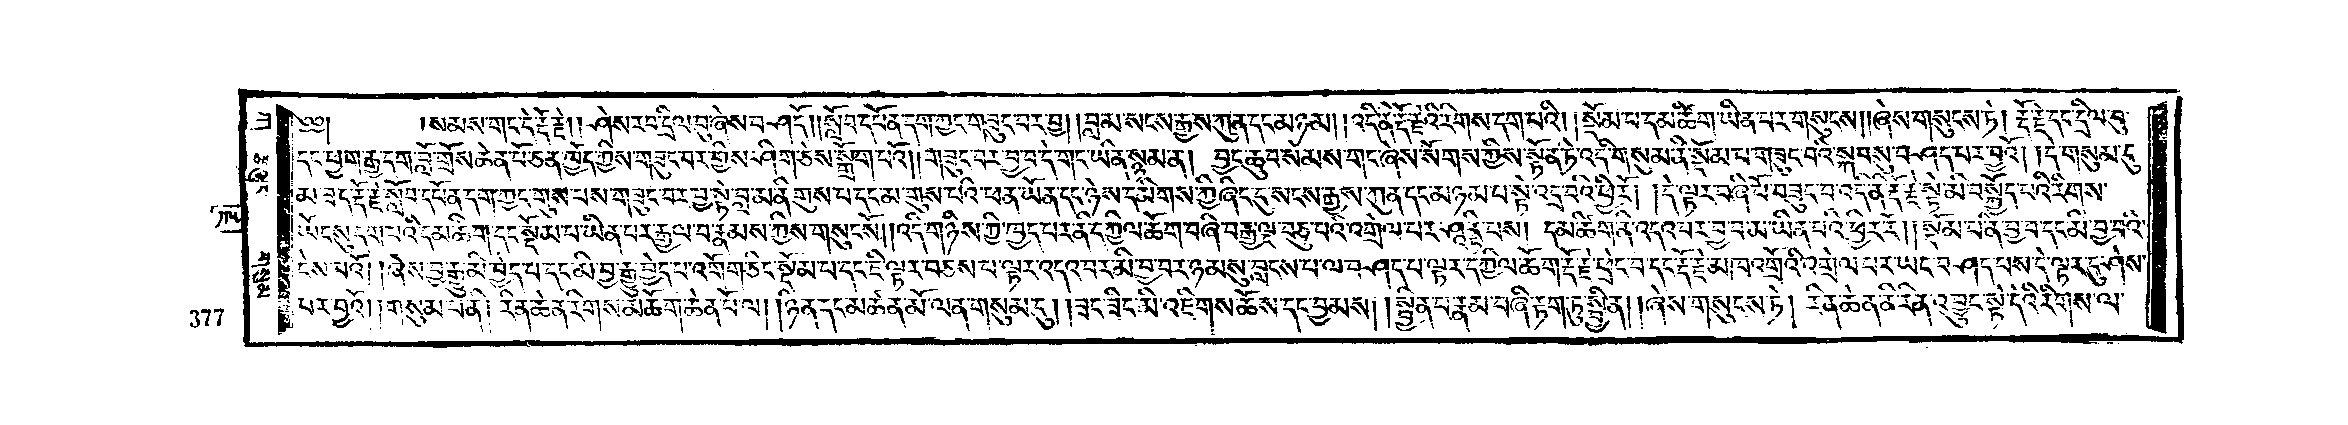༄༅། །སེམས་གང་དེ་རྡོ་རྗེ། །ཤེས་རབ་དྲིལ་བུ་ཞེས་བཤད་དོ། །སློབ་དཔོན་དག་ཀྱང་གཟུང་བར་བྱ། །བླ་མ་སངས་རྒྱས་ཀུན་དང་མཉམ། །འདི་ནི་རྡོ་རྗེའི་རིགས་དག་པའི། །སྡོམ་པ་དམ་ཚིག་ཡིན་པར་གསུངས། །ཞེས་གསུངས་ཏེ། རྡོ་རྗེ་དང་དྲིལ་བུ་
དང་ཕྱག་རྒྱ་དག་བློ་གྲོས་ཆེན་པོ་ཅན་ཁྱོད་ཀྱིས་གཟུང་བར་གྱིས་ཤིག་ཅེས་སྒྲོག་པའོ། །གཟུང་བར་བྱ་བ་དེ་གང་ཡིན་སྙམ་ན། བྱང་ཆུབ་སེམས་གང་ཞེས་སོགས་ཀྱིས་སྟོན་ཏེ་འདི་གསུམ་ནི་སྡོམ་པ་གཟུང་བའི་སྐབས་སུ་བཤད་པར་བྱའོ། །དེ་གསུམ་དུ་
མ་ཟད་རྡོ་རྗེ་སློབ་དཔོན་དག་ཀྱང་གུས་པས་གཟུང་བར་བྱ་སྟེ་བླ་མ་ནི་གུས་པ་དང་མ་གུས་པའི་ཕན་ཡོན་དང་ཉེས་དམིགས་ཀྱི་ཞིང་དུ་སངས་རྒྱས་ཀུན་དང་མཉམ་པ་སྟེ་འདྲ་བའི་ཕྱིར་རོ། །དེ་ལྟར་བཞི་པོ་བཟུང་བ་འདི་ནི་རྡོ་རྗེ་སྟེ་མི་བསྐྱོད་པའི་རིགས་
ཡོངས་སུ་དག་པའི་དམ་ཚིག་དང་སྡོམ་པ་ཡིན་པར་རྒྱལ་བ་རྣམས་ཀྱིས་གསུངས་སོ། །འདི་གཉིས་ཀྱི་ཁྱད་པར་ནི་དཀྱིལ་ཆོག་བཞི་བརྒྱ་ལྔ་བཅུ་པའི་འགྲེལ་པར་ཤཱནྟི་པས། དམ་ཚིག་ནི་འདའ་བར་བྱ་བ་མ་ཡིན་པའི་ཕྱིར་རོ། །སྡོམ་པ་ནི་བྱ་བ་དང་མི་བྱ་བའི་
ངེས་པའོ། །ཞེས་བྱ་རྒྱུ་མི་བྱེད་པ་དང་མི་བྱ་རྒྱུ་བྱེད་པ་འགོག་ཅིང་སྡོམ་པ་དང་ཇི་ལྟར་བཅས་པ་ལྟར་འདའ་བར་མི་བྱ་བར་ཉམས་སུ་བླངས་པ་ལ་བཤད་པ་ལྟར་དཀྱིལ་ཆོག་རྡོ་རྗེ་མཁའ་འགྲོའི་འགྲེལ་པར་ཡང་བཤད་པས་དེ་ལྟར་དུ་ཤེས་
པར་བྱའོ། །གསུམ་པ་ནི། རིན་ཆེན་རིགས་མཆོག་ཆེན་པོ་ལ། །ཉིན་དང་མཚན་མོ་ལན་གསུམ་དུ། །ཟང་ཟིང་མི་འཇིགས་ཆོས་དང་བྱམས། །སྦྱིན་པ་རྣམ་བཞི་རྟག་ཏུ་སྦྱིན། །ཞེས་གསུངས་ཏེ། རིན་ཆེན་ནི་རིན་འབྱུང་སྟེ་དེའི་རིགས་ལ་